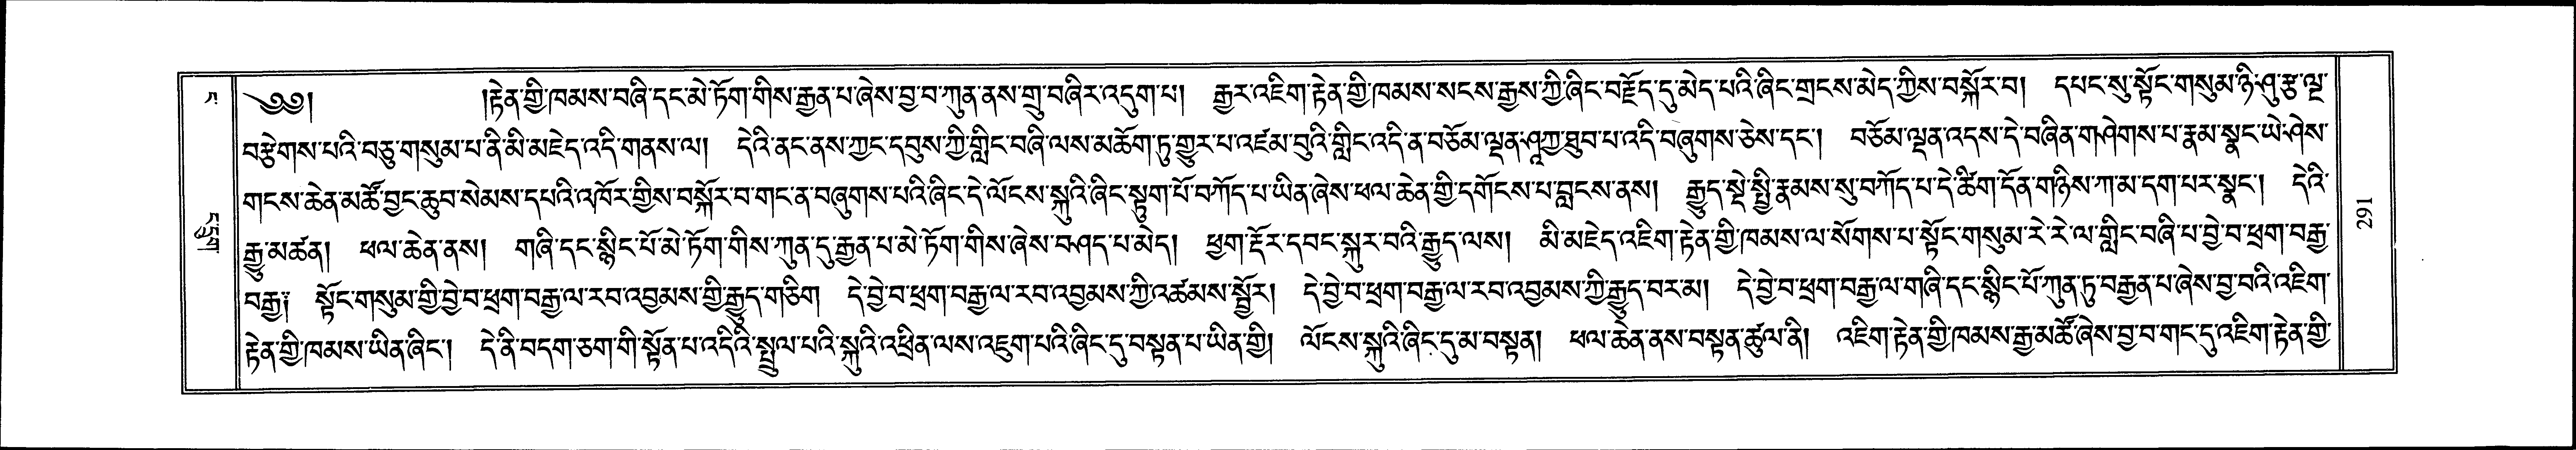༄༅། །རྟེན་གྱི་ཁམས་བཞི་དང་མེ་ཏོག་གིས་རྒྱན་པ་ཞེས་བྱ་བ་ཀུན་ནས་གྲུ་བཞིར་འདུག་པ། རྒྱར་འཇིག་རྟེན་གྱི་ཁམས་སངས་རྒྱས་ཀྱི་ཞིང་བརྗོད་དུ་མེད་པའི་ཞིང་གྲངས་མེད་ཀྱིས་བསྐོར་བ། དཔང་སུ་སྟོང་གསུམ་ཉི་ཤུ་རྩ་ལྔ་
བརྩེགས་པའི་བཅུ་གསུམ་པ་ནི་མི་མཇེད་འདི་གནས་ལ། དེའི་ནང་ནས་ཀྱང་དབུས་ཀྱི་གླིང་བཞི་ལས་མཆོག་ཏུ་གྱུར་པ་འཛམ་བུའི་གླིང་འདི་ན་བཅོམ་ལྡན་ཤཱཀྱ་ཐུབ་པ་འདི་བཞུགས་ཅེས་དང་། བཅོམ་ལྡན་འདས་དེ་བཞིན་གཤེགས་པ་རྣམ་སྣང་ཡེ་ཤེས་
གང་ཆེན་མཚོ་བྱང་ཆུབ་སེམས་དཔའི་འཁོར་གྱིས་བསྐོར་བ་གང་ན་བཞུགས་པའི་ཞིང་དེ་ལོངས་སྐུའི་ཞིང་སྟུག་པོ་བཀོད་པ་ཡིན་ཞེས་ཕལ་ཆེན་གྱི་དགོངས་པ་བླངས་ནས། རྒྱུད་སྡེ་སྤྱི་རྣམས་སུ་བཀོད་པ་དེ་ཚིག་དོན་གཉིས་ཀ་མ་དག་པར་སྣང་། དེའི་
རྒྱུ་མཚན། ཕལ་ཆེན་ནས། གཞི་དང་སྙིང་པོ་མེ་ཏོག་གིས་ཀུན་དུ་རྒྱན་པ་མེ་ཏོག་གིས་ཞེས་བཤད་པ་མེད། ཕྱག་རྡོར་དབང་བསྐུར་བའི་རྒྱུད་ལས། མི་མཇེད་འཇིག་རྟེན་གྱི་ཁམས་ལ་སོགས་པ་སྟོང་གསུམ་རེ་རེ་ལ་གླིང་བཞི་པ་བྱེ་བ་ཕྲག་བརྒྱ་
བརྒྱ། སྟོང་གསུམ་གྱི་བྱེ་བ་ཕྲག་བརྒྱ་ལ་རབ་འབྱམས་གྱི་རྒྱུད་གཅིག །དེ་བྱེ་བ་ཕྲག་བརྒྱ་ལ་རབ་འབྱམས་ཀྱི་འཚམས་སྦྱོར། དེ་བྱེ་བ་ཕྲག་བརྒྱ་ལ་རབ་འབྱམས་ཀྱི་རྒྱུད་བར་མ། དེ་བྱེ་བ་ཕྲག་བརྒྱ་ལ་གཞི་དང་སྙིང་པོ་ཀུན་ཏུ་བརྒྱན་པ་ཞེས་བྱ་བའི་འཇིག་
རྟེན་གྱི་ཁམས་ཡིན་ཞིང་། དེ་ནི་བདག་ཅག་གི་སྟོན་པ་འདིའི་སྤྲུལ་པའི་སྐུའི་འཕྲིན་ལས་འཇུག་པའི་ཞིང་དུ་བསྟན་པ་ཡིན་གྱི། ལོངས་སྐུའི་ཞིང་དུ་མ་བསྟན། ཕལ་ཆེན་ནས་བསྟན་ཚུལ་ནི། འཇིག་རྟེན་གྱི་ཁམས་རྒྱ་མཚོ་ཞེས་བྱ་བ་གང་དུ་འཇིག་རྟེན་གྱི་